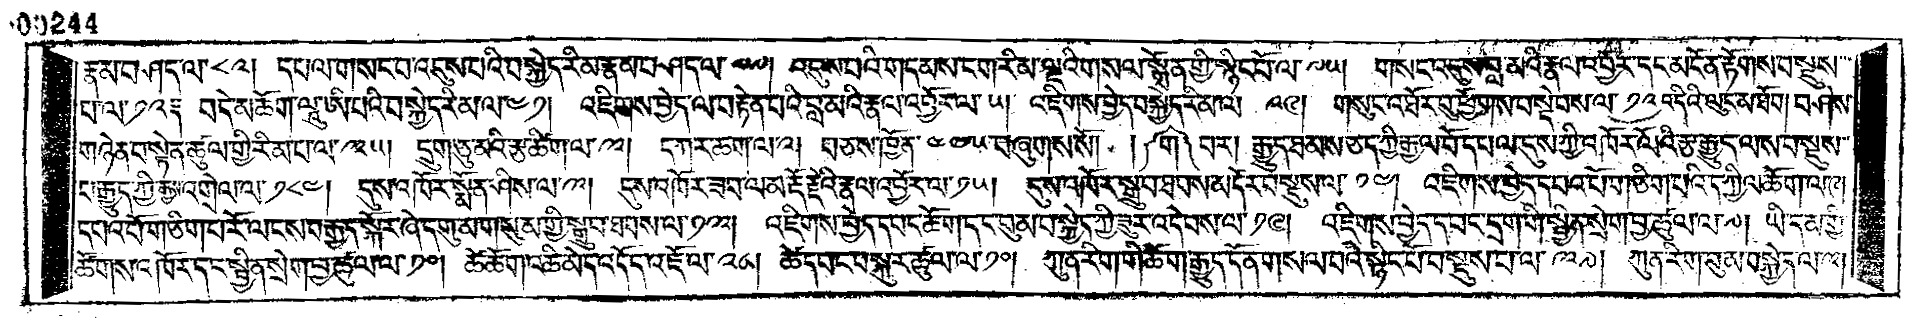རྣམ་བཤད་ལ ༨༢། དཔལ་གསང་བ་འདུས་པའི་བསྐྱེད་རིམ་རྣམ་བཤད་ལ ༦༦། འདུས་པའི་གདམས་ངག་རིམ་ལྔའི་གསལ་སྒྲོན་གྱི་སྙིང་པོ་ལ ༦༥། གསང་འདུས་བླ་མའི་རྣལ་འབྱོར་དང་མངོན་རྟོགས་བསྡུས་
པ་ལ ༡༢༑ བདེ་མཆོག་ལཱུ་ཨི་པའི་བསྐྱེད་རིམ་ལ ༤༡། འཇིགས་བྱེད་ལ་བརྟེན་པའི་བླ་མའི་རྣལ་འབྱོར་ལ ༥། འཇིགས་བྱེད་བསྐྱེད་རིམ་ལ ༢༩། གསུང་འཐོར་བུ་ཕྱོགས་བསྡེབས་ལ་འདིའི་ལུང་མ་ཐོབ།  ༡༢། བཤེས་
གཉེན་བསྟེན་ཚུལ་གྱི་རིམ་པ་ལ ༣༥། དྲུག་ཅུ་མའི་རྩ་ཚིག་ལ ༣། དཀར་ཆག་ལ ༢། བཅས་ཁྱོན ༤༤༥་བཞུགས་སོ། །༼ག༽ བར། རྒྱུད་ཐམས་ཅད་ཀྱི་རྒྱལ་པོ་དཔལ་དུས་ཀྱི་འཁོར་ལོའི་རྩ་རྒྱུད་ལས་བསྡུས་
པ་རྒྱུད་ཀྱི་རྒྱས་འགྲེལ་ལ ༡༨༤། དུས་འཁོར་སྨོན་ཤིས་ལ ༣། དུས་འཁོར་ཟབ་ལམ་རྡོ་རྗེའི་རྣལ་འབྱོར་ལ ༡༥། དུས་འཁོར་སྒྲུབ་ཐབས་མདོར་བསྡུས་ལ ༡༤། འཇིགས་བྱེད་དཔའ་པོ་གཅིག་པའི་དཀྱིལ་ཆོག་ལ ༩།
དཔའ་པོ་གཅིག་པ་རོ་ལངས་བརྒྱད་སྐོར་ཞེ་དགུ་མ་གསུམ་གྱི་སྒྲུབ་ཐབས་ལ ༡༣། འཇིགས་བྱེད་དབང་ཆོག་དང་བུམ་བསྐྱེད་ཀྱི་ཟུར་འདེབས་ལ ༡༩། འཇིགས་བྱེད་དབང་དྲག་གི་སྦྱིན་སྲེག་བྱ་ཚུལ་ལ ༦། ཡི་དམ་གྱི་
ཚོགས་འཁོར་དང་སྦྱིན་སྲེག་བྱ་ཚུལ་ལ ༡༠། ཚེ་ཆོག་འཆི་མེད་འདོད་འཇོ་ལ ༢༦། ཚེ་དབང་བསྐུར་ཚུལ་ལ ༡༠། ཀུན་རིག་གི་ཆོ་ག་རྒྱུད་དོན་གསལ་བའི་སྙིང་པོ་བསྡུས་པ་ལ ༣༦། ཀུན་རིག་བུམ་བསྐྱེད་ལ ༣།